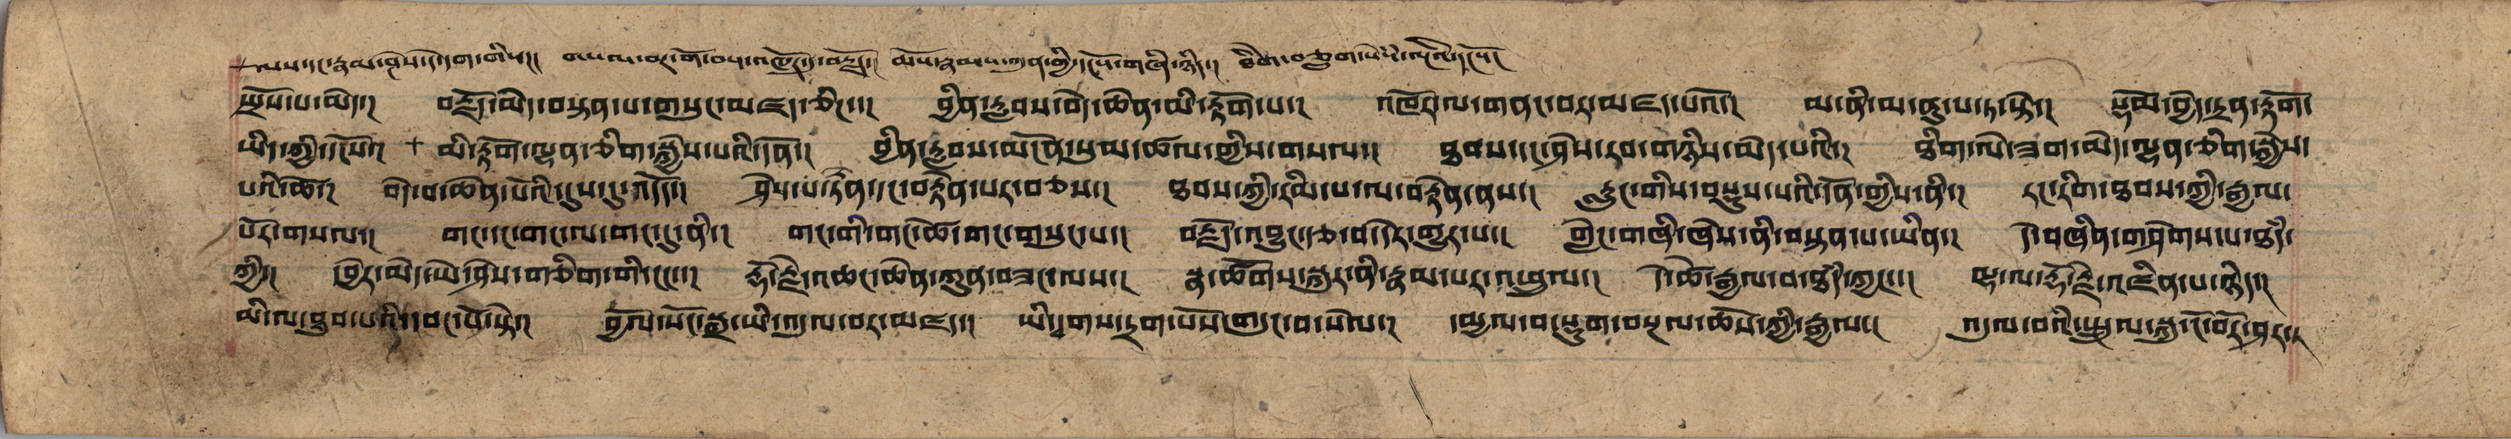ལས་དང་རྣམ་ཤེས་དེ་དག་གིས་།།། གསལ་བར་གོ་བས་འཁོར་དུ་བརྗོད་། ཆོས་རྣམས་ཀུན་གྱི་དངོས་གཞི་ཉིད་། ཐིགེ་བཅྲུག་སེསཾ་ལྔའི་དངོས།
སྤྲོས་པ་མེད་། བརྗོད་མེད་བསྟན་པ་གསུང་མཛད་ཅིང་་། བྱིན་རླབས་བདེ་ཆེན་མི་རྟོག་པ་། འཁོར་ལ་གནང་བར་མཛད་པའོ་། མ་ནི་མ་ནུ་ས་ཏ་སྟེ་། སྡོམ་བྱེད་དྲན་རྟོག་
ཡིད་ཀྱི་དངོས་། མི་རྟོག་ལྷན་ཅིག་སྐྱེས་པའི་དོན་། བྱིན་རླབས་མངོན་སུམ་ཚལ་གྱིས་གསལ་། ཐབས་དང་ཤེས་རབ་གཉིས་མེད་པའི་། ཐིག་ལེ་ཟག་མེད་ལྷན་ཅིག་སྐྱེས་
པའི་ཚེ་། བདེ་བ་ཆེན་པོའི་དུས་དུ་འདོད་། ཤེས་པ་རྟེན་དང་བརྟེན་པར་བཅས་། ཐབས་ཀྱི་རིམ་པ་ལ་བརྟེན་ནས་། རླུང་གིས་བསྡུས་པའི་དོན་གྱིས་ནི་། རང་རིག་ཐབས་ཀྱི་རྒྱལ་
པོར་གསལ་། གང་དང་གང་ལ་གང་དུ་ནི་། གང་གི་གང་ཚེ་གང་གསུང་པ་། བརྗོད་འབྱུང་རྩ་བ་དེར་གྱུར་པ་། གླེང་གཞི་ཞེས་ནི་བསྟན་པ་ཡིན་། དེ་བཞིན་གཤེགས་པ་ཐཾད་
ཀྱི་། དབྱེར་མེད་ཡེ་ཤེས་གཅིག་གི་ངང་་། རྡོ་རྗེ་འཆང་ཆེན་ཀུན་བཟང་ལས་། སྣ་ཚོགས་སྐུར་ནི་རྣམ་པར་འཕྲུལ་། དེ་ཚེ་རྒྱལ་བ་ཐཾད་ཀྱང་་། ལྷ་ལ་རྡོ་རྗེ་འཛིན་པ་ཉིད་།
མི་ལ་ཐུབ་པའི་དབང་པོ་སྟེ་། བྱོལ་སོང་སྒྲ་ཡི་འདུལ་བར་མཛད་། ཡི་དྭགས་དྲག་པོས་གདུང་བ་སེལ་། དམྱལ་བ་སྡུག་བསྔལ་ཆོས་ཀྱི་རྒྱལ་། འདུལ་བའི་སྤྲུལ་སྐུ་ངོ་བོར་ཤར་།